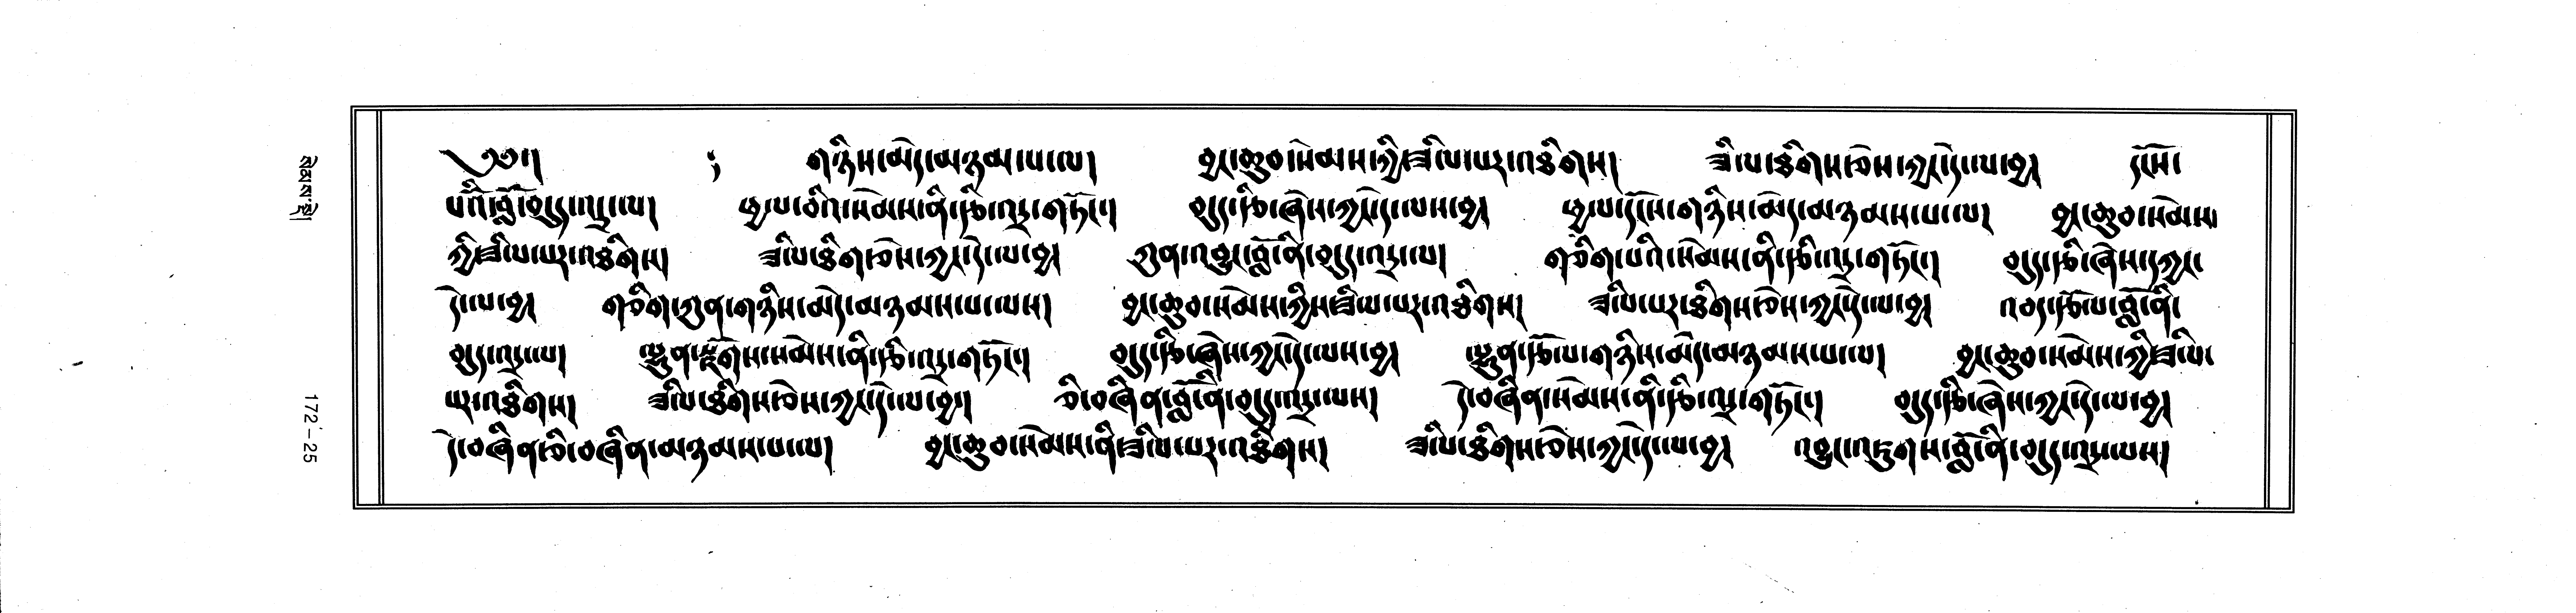གཉིས་མེད་མཉམ་པ་ལས། བྱང་ཆུབ་སེམས་ཀྱི་ཟིལ་པར་འཐིགས། ཟིལ་ཐིགས་ཅེས་ཀྱང་དེ་ལ་བྱ། དངོས་
པོའི་བློ་ནི་བདུད་འདྲ་ལ། ཕྱལ་བའི་སེམས་ནི་རྩི་འདྲ་གཏོང་། བདུད་རྩི་ཞེས་ཀྱང་དེ་ལ་བྱ། ཕྱལ་དངོས་གཉིས་མེད་མཉམས་པ་ལས། བྱང་ཆུབ་སེམས་
ཀྱི་ཟིལ་པར་འཐིགས། ཟིལ་ཐིགས་ཅེས་ཀྱང་དེ་ལ་བྱ། ཀུན་འབྱུང་བློ་ནི་བདུད་འདྲ་ལ། གཅིག་པའི་སེམས་ནི་རྩི་འདྲ་གཏོང་། བདུད་རྩི་ཞེས་ཀྱང་
དེ་ལ་བྱ། གཅིག་ཀུན་གཉིས་མེད་མཉམས་པ་ལས། བྱང་ཆུབ་སེམས་ཀྱི་ཟིལ་པར་འཐིགས། ཟིལ་ཐིགས་ཅེས་ཀྱང་དེ་ལ་བྱ། འབད་རྩོལ་བློ་ནི་
བདུད་འདྲ་ལ། ལྷུན་རྫོགས་སེམས་ནི་རྩི་འདྲ་གཏོང་། བདུད་རྩི་ཞེས་ཀྱང་དེ་ལ་བྱ། ལྷུན་རྩོལ་གཉིས་མེད་མཉམ་པ་ལས། བྱང་ཆུབ་སེམས་ཀྱི་ཟིལ་
པར་འཐིགས། ཟིལ་ཐིགས་ཅེས་ཀྱང་དེ་ལ་བྱ། ཅི་བཞིན་བློ་ནི་བདུད་འདྲ་ལ། དེ་བཞིན་སེམས་ནི་རྩི་འདྲ་གཏོང་། བདུད་རྩི་ཞེས་ཀྱང་དེ་ལ་བྱ། 
དེ་བཞིན་ཅི་བཞིན་མཉམས་པ་ལས། བྱང་ཆུབ་སེམས་ཀྱི་ཟིལ་པར་འཐིགས། ཟིལ་ཐིགས་ཅེས་ཀྱང་དེ་ལ་བྱ། འབྱུང་འཇུག་བློ་ནི་བདུད་འདྲ་ལ།